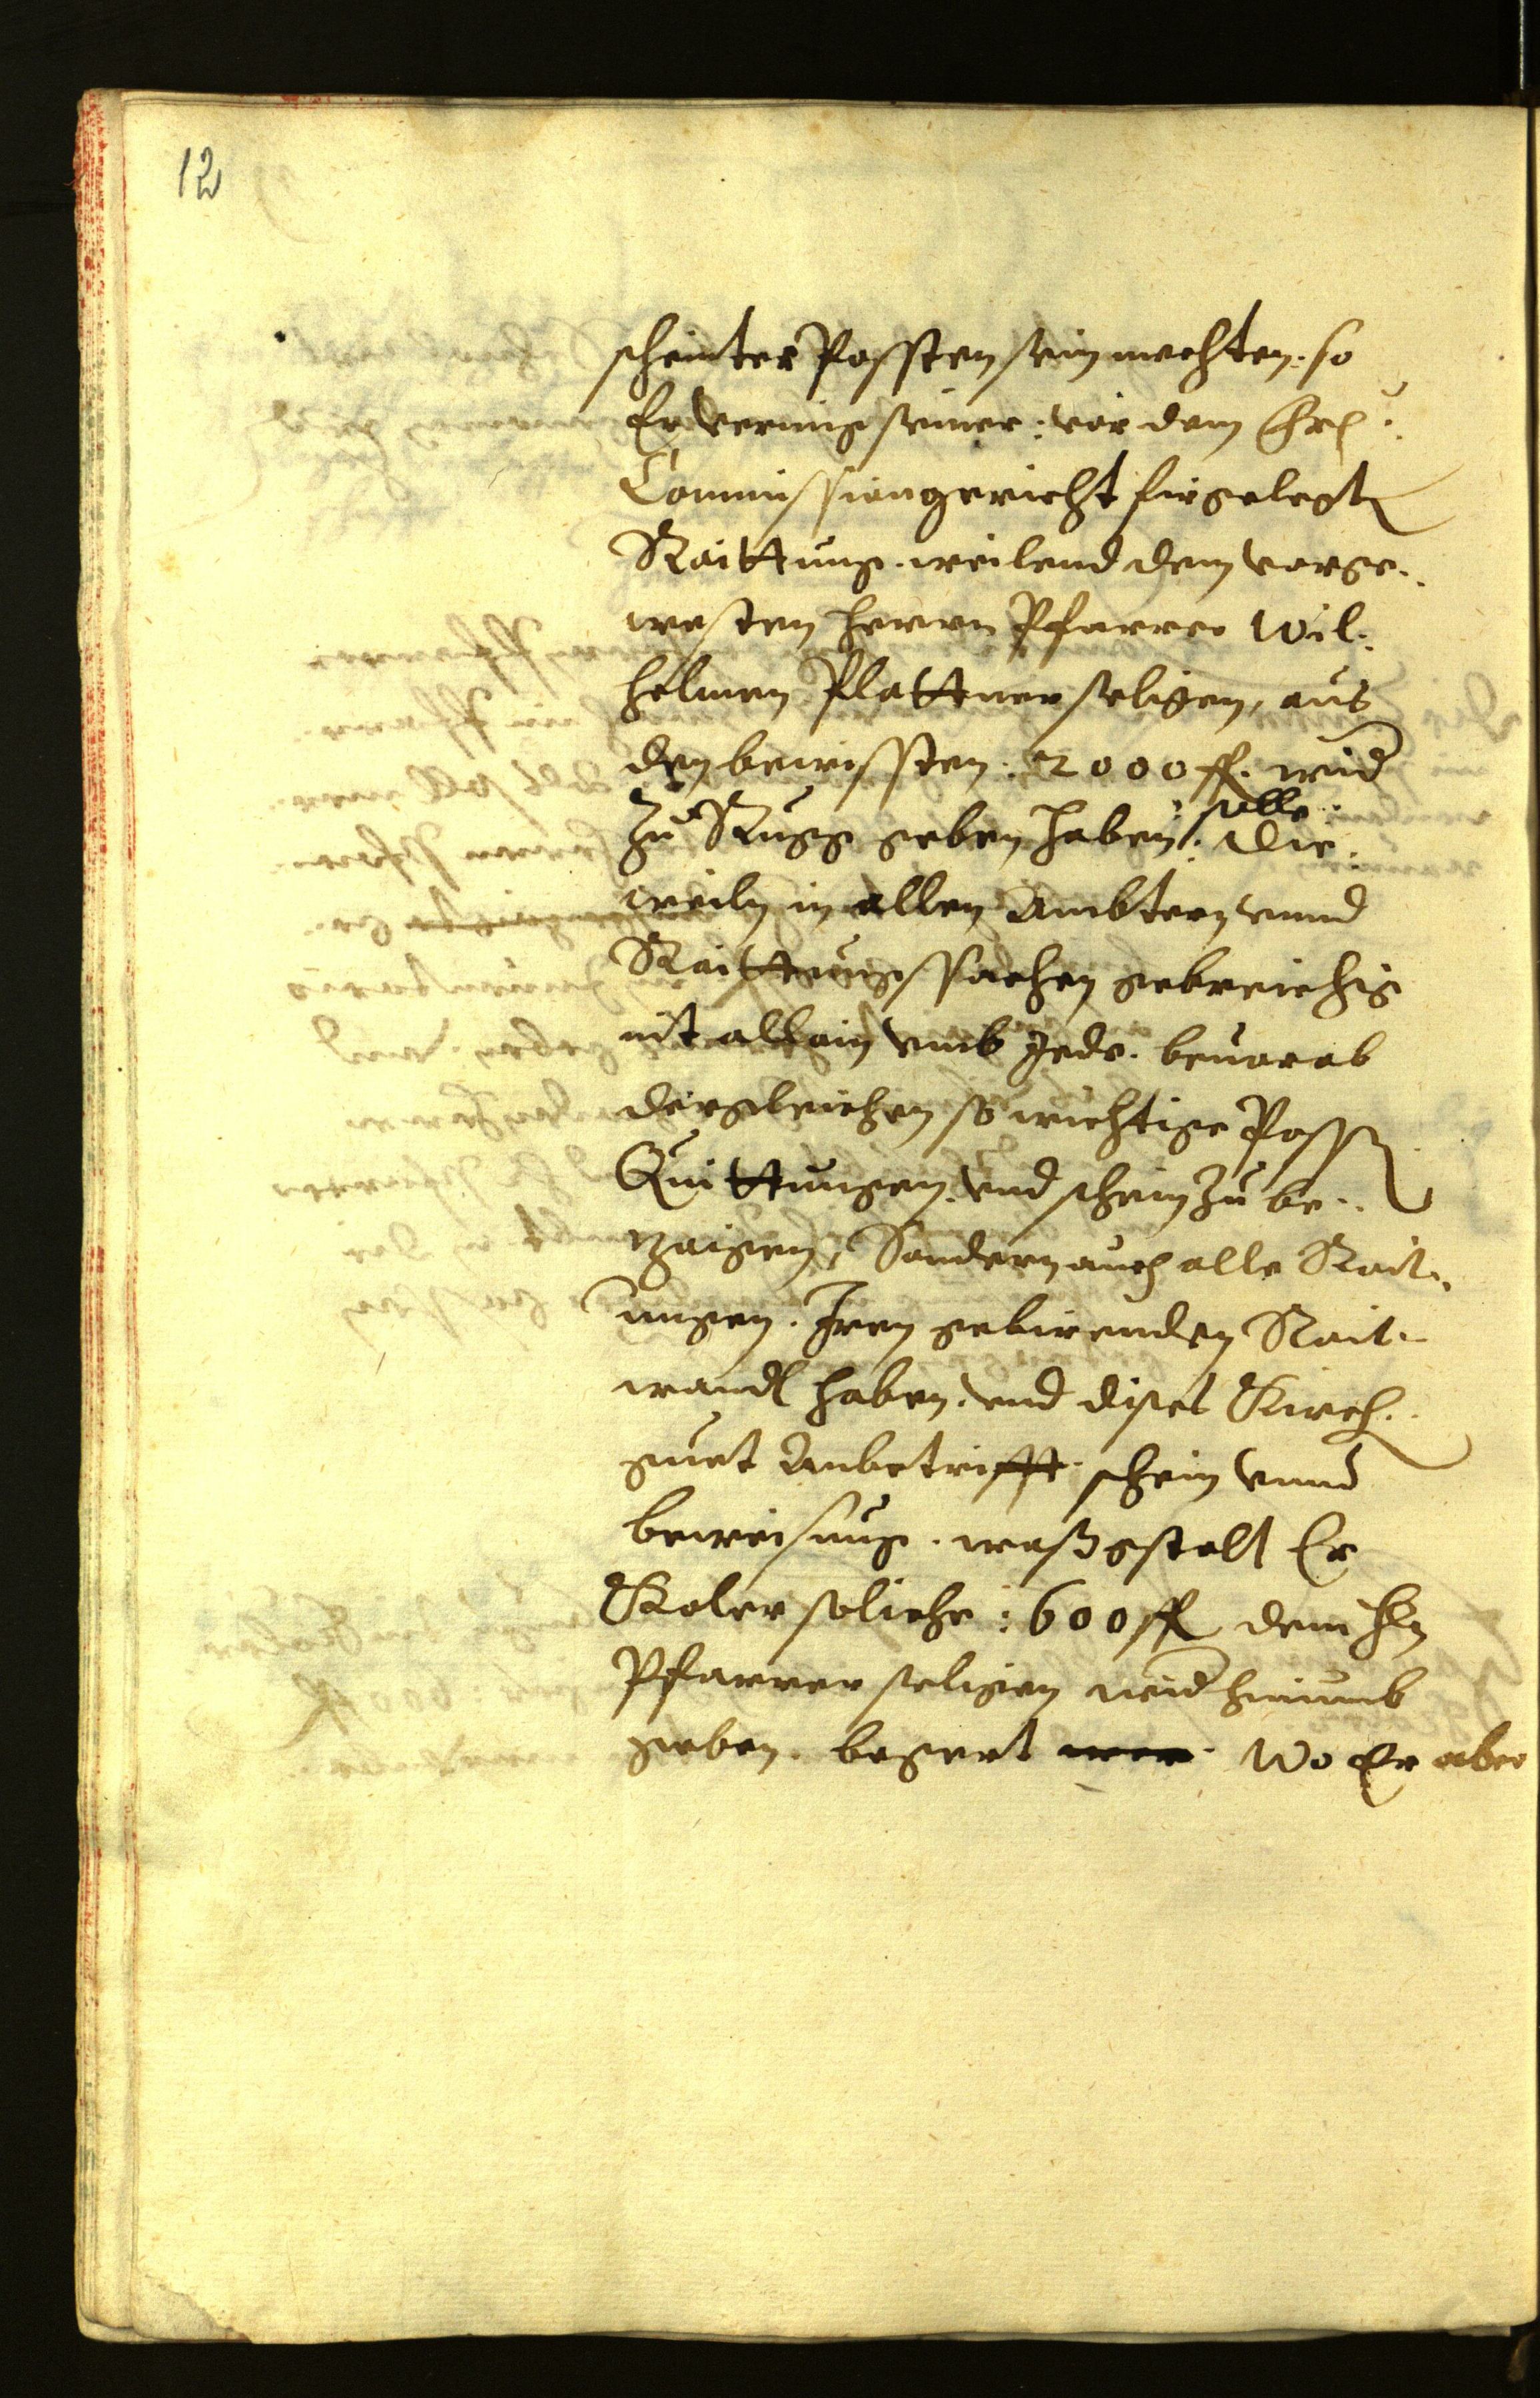12
scheinter Possten sein mechten. so
Er vermig seiner. vor dem Frl:
Commissiongericht für gelegt
Raittūng. weilend dem verge¬
westen Herrn Pfarrer Wil¬
helmen Plattner seligen, aūs
den bewissten: 2000 fl. wid
:solle:
Zū Rūgg geben haben: der¬
weiln in allen Ambtern vnnd
Raittūngssachen gebreichig
nit allain vmb Jede. beūorab
dergleichen so wichtiger Posst
Qūittūngen. vnd schein Zū be¬
zaigen, Sondern aūch alle Rait¬
ūngen. Iren gebirenden Rait¬
wandl haben. vnd dises Kirch¬
gūet Anbetrifft. schein vnnd
beweisūng. waßgstalt Er
Koler soliche: 600 fl dem hln
Pfarrrer seligen wid hinūmb
geben begert wer. Wo Er aber